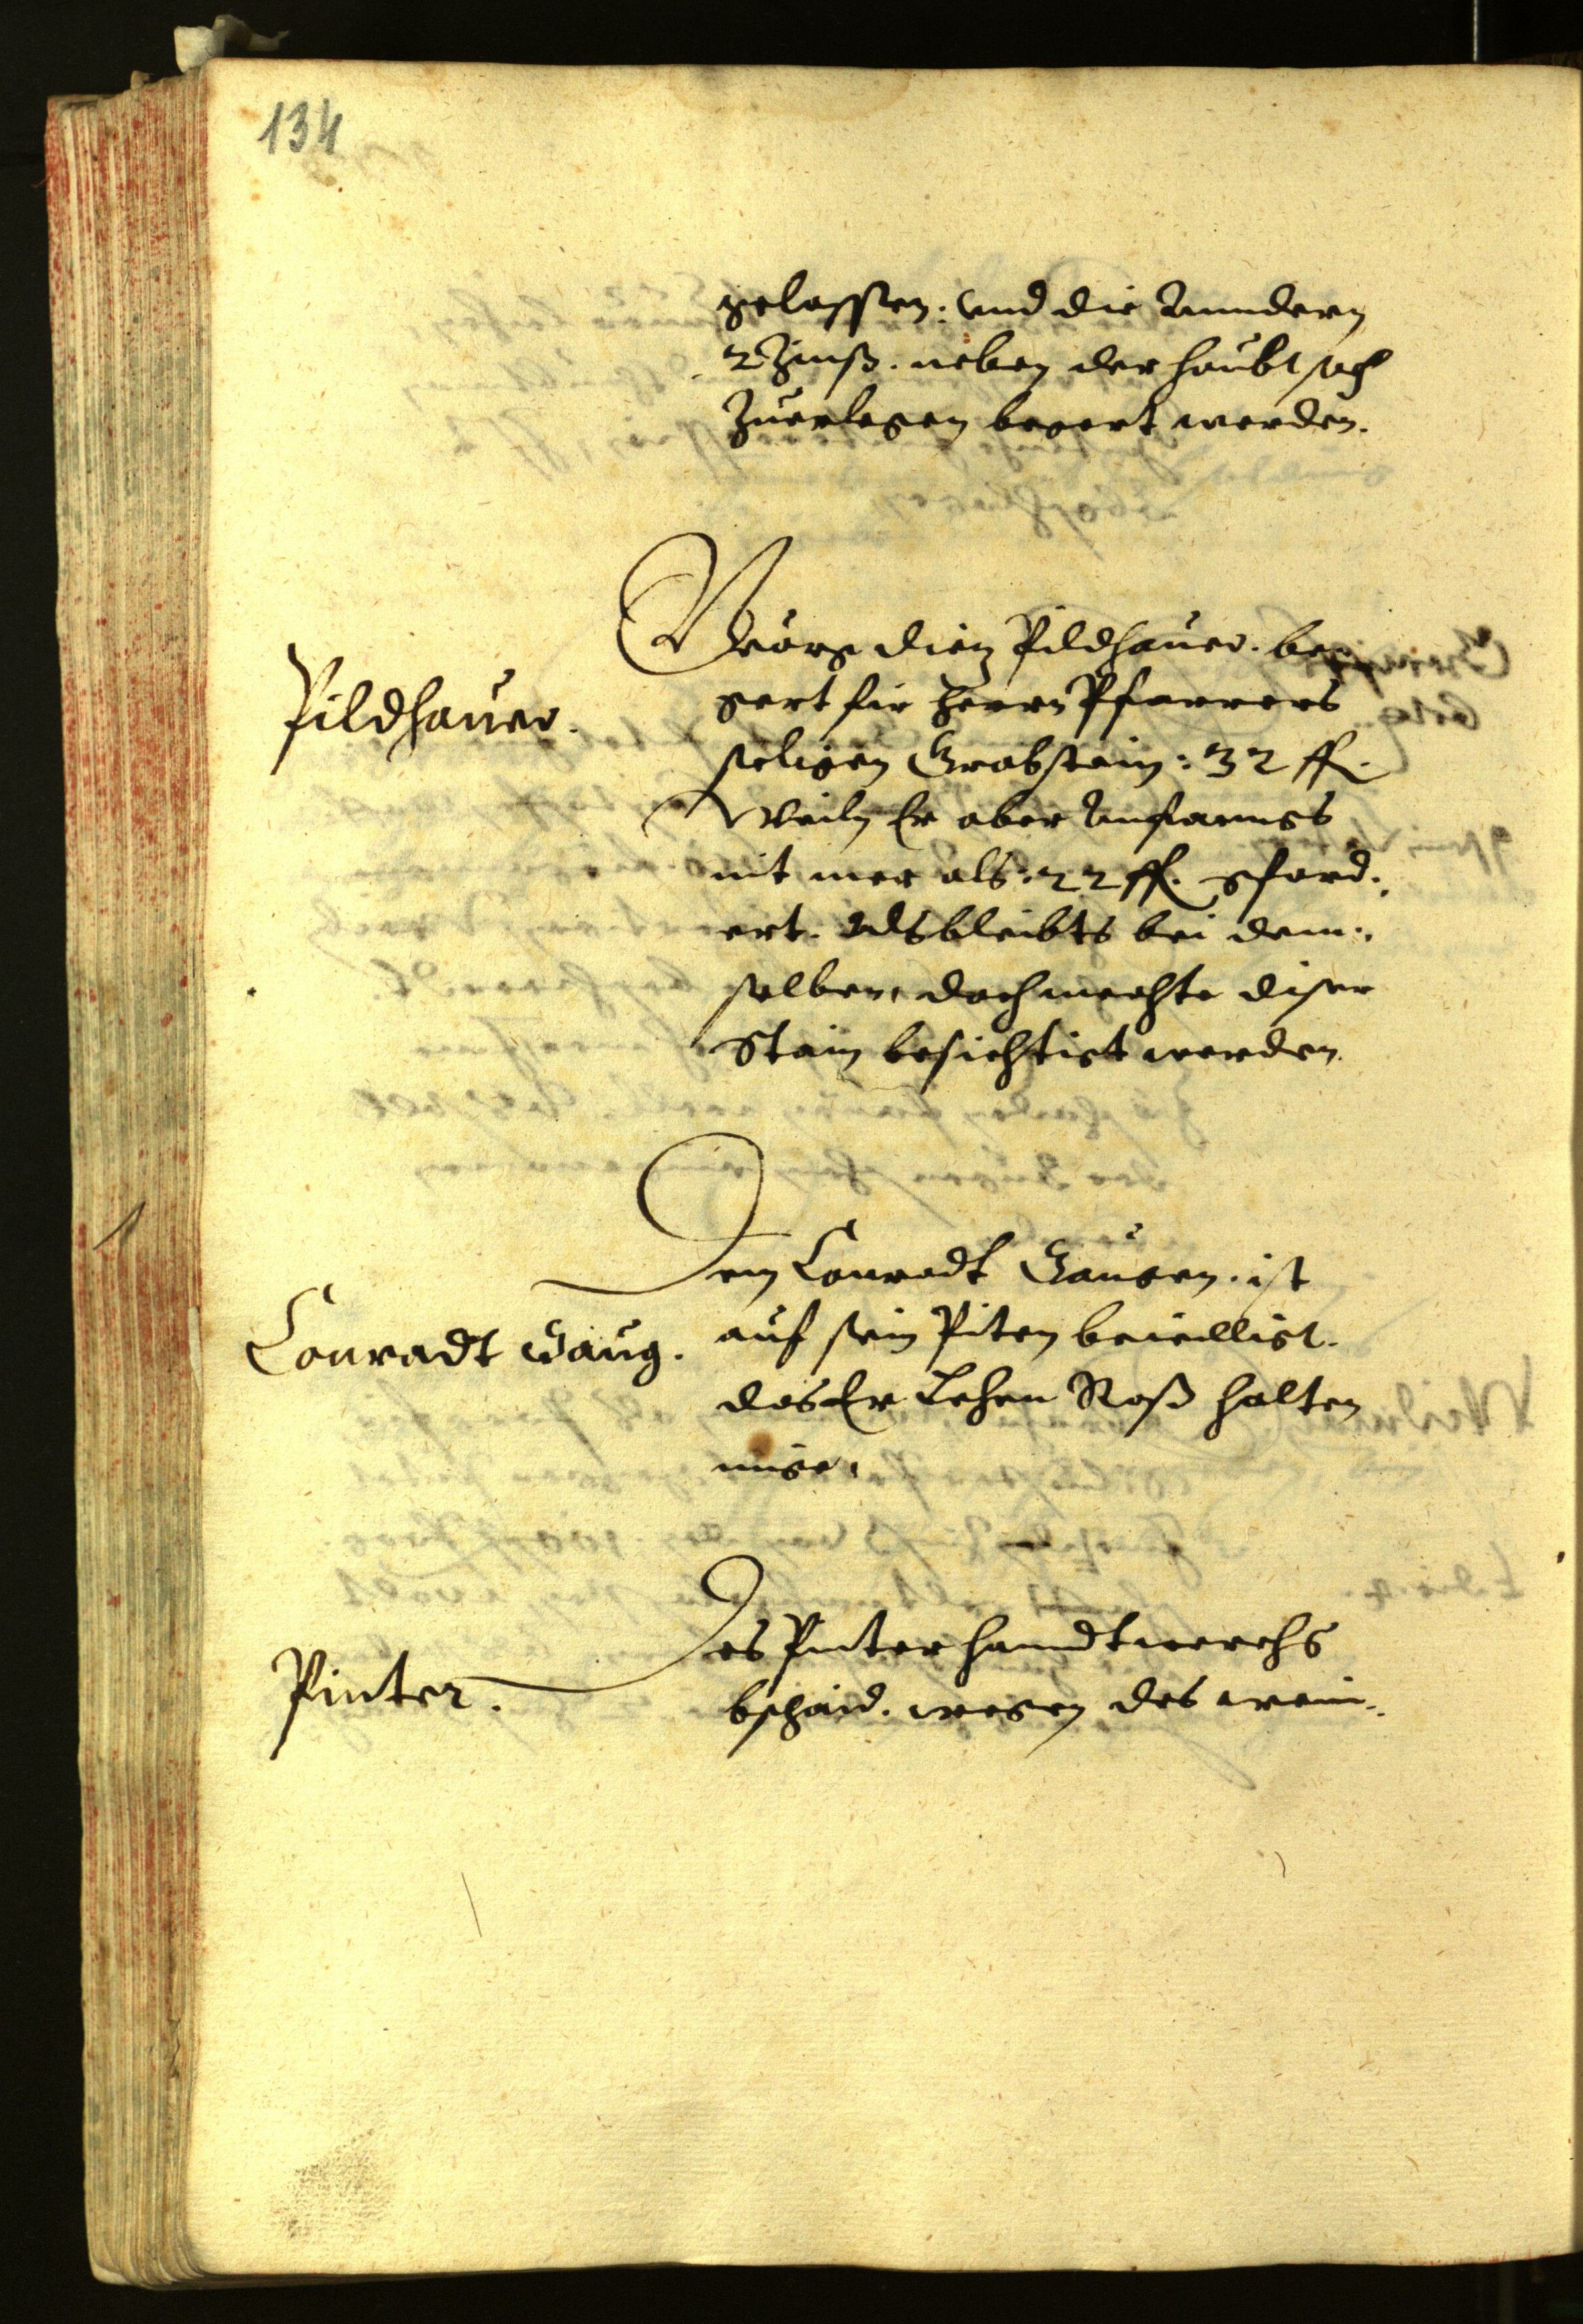134
gelassen: vnd die Anndern
2 Zinß. neben der haūbtsach
Zūerlegen begert werden.
Geörg diez Pildhaūer. be¬
gert fir herrn Pfarrers
seligen Grabstein: 32 fl.
Weiln Er aber Anfanngs
nit mer als: 22 fl. gford¬
ert. als bleibts bei dem¬
selben, doch mechte diser
Stain besichtigt werden.
Pildhaūer.
Dem Conradt Gaūgen. ist
aūf sein Piten bewilligt.
das Er Lehen Roß halten
mige.
Conradt Gaūg.
Des Pinter handtwerchs
bschaid. wegen des wein¬
Pinter.